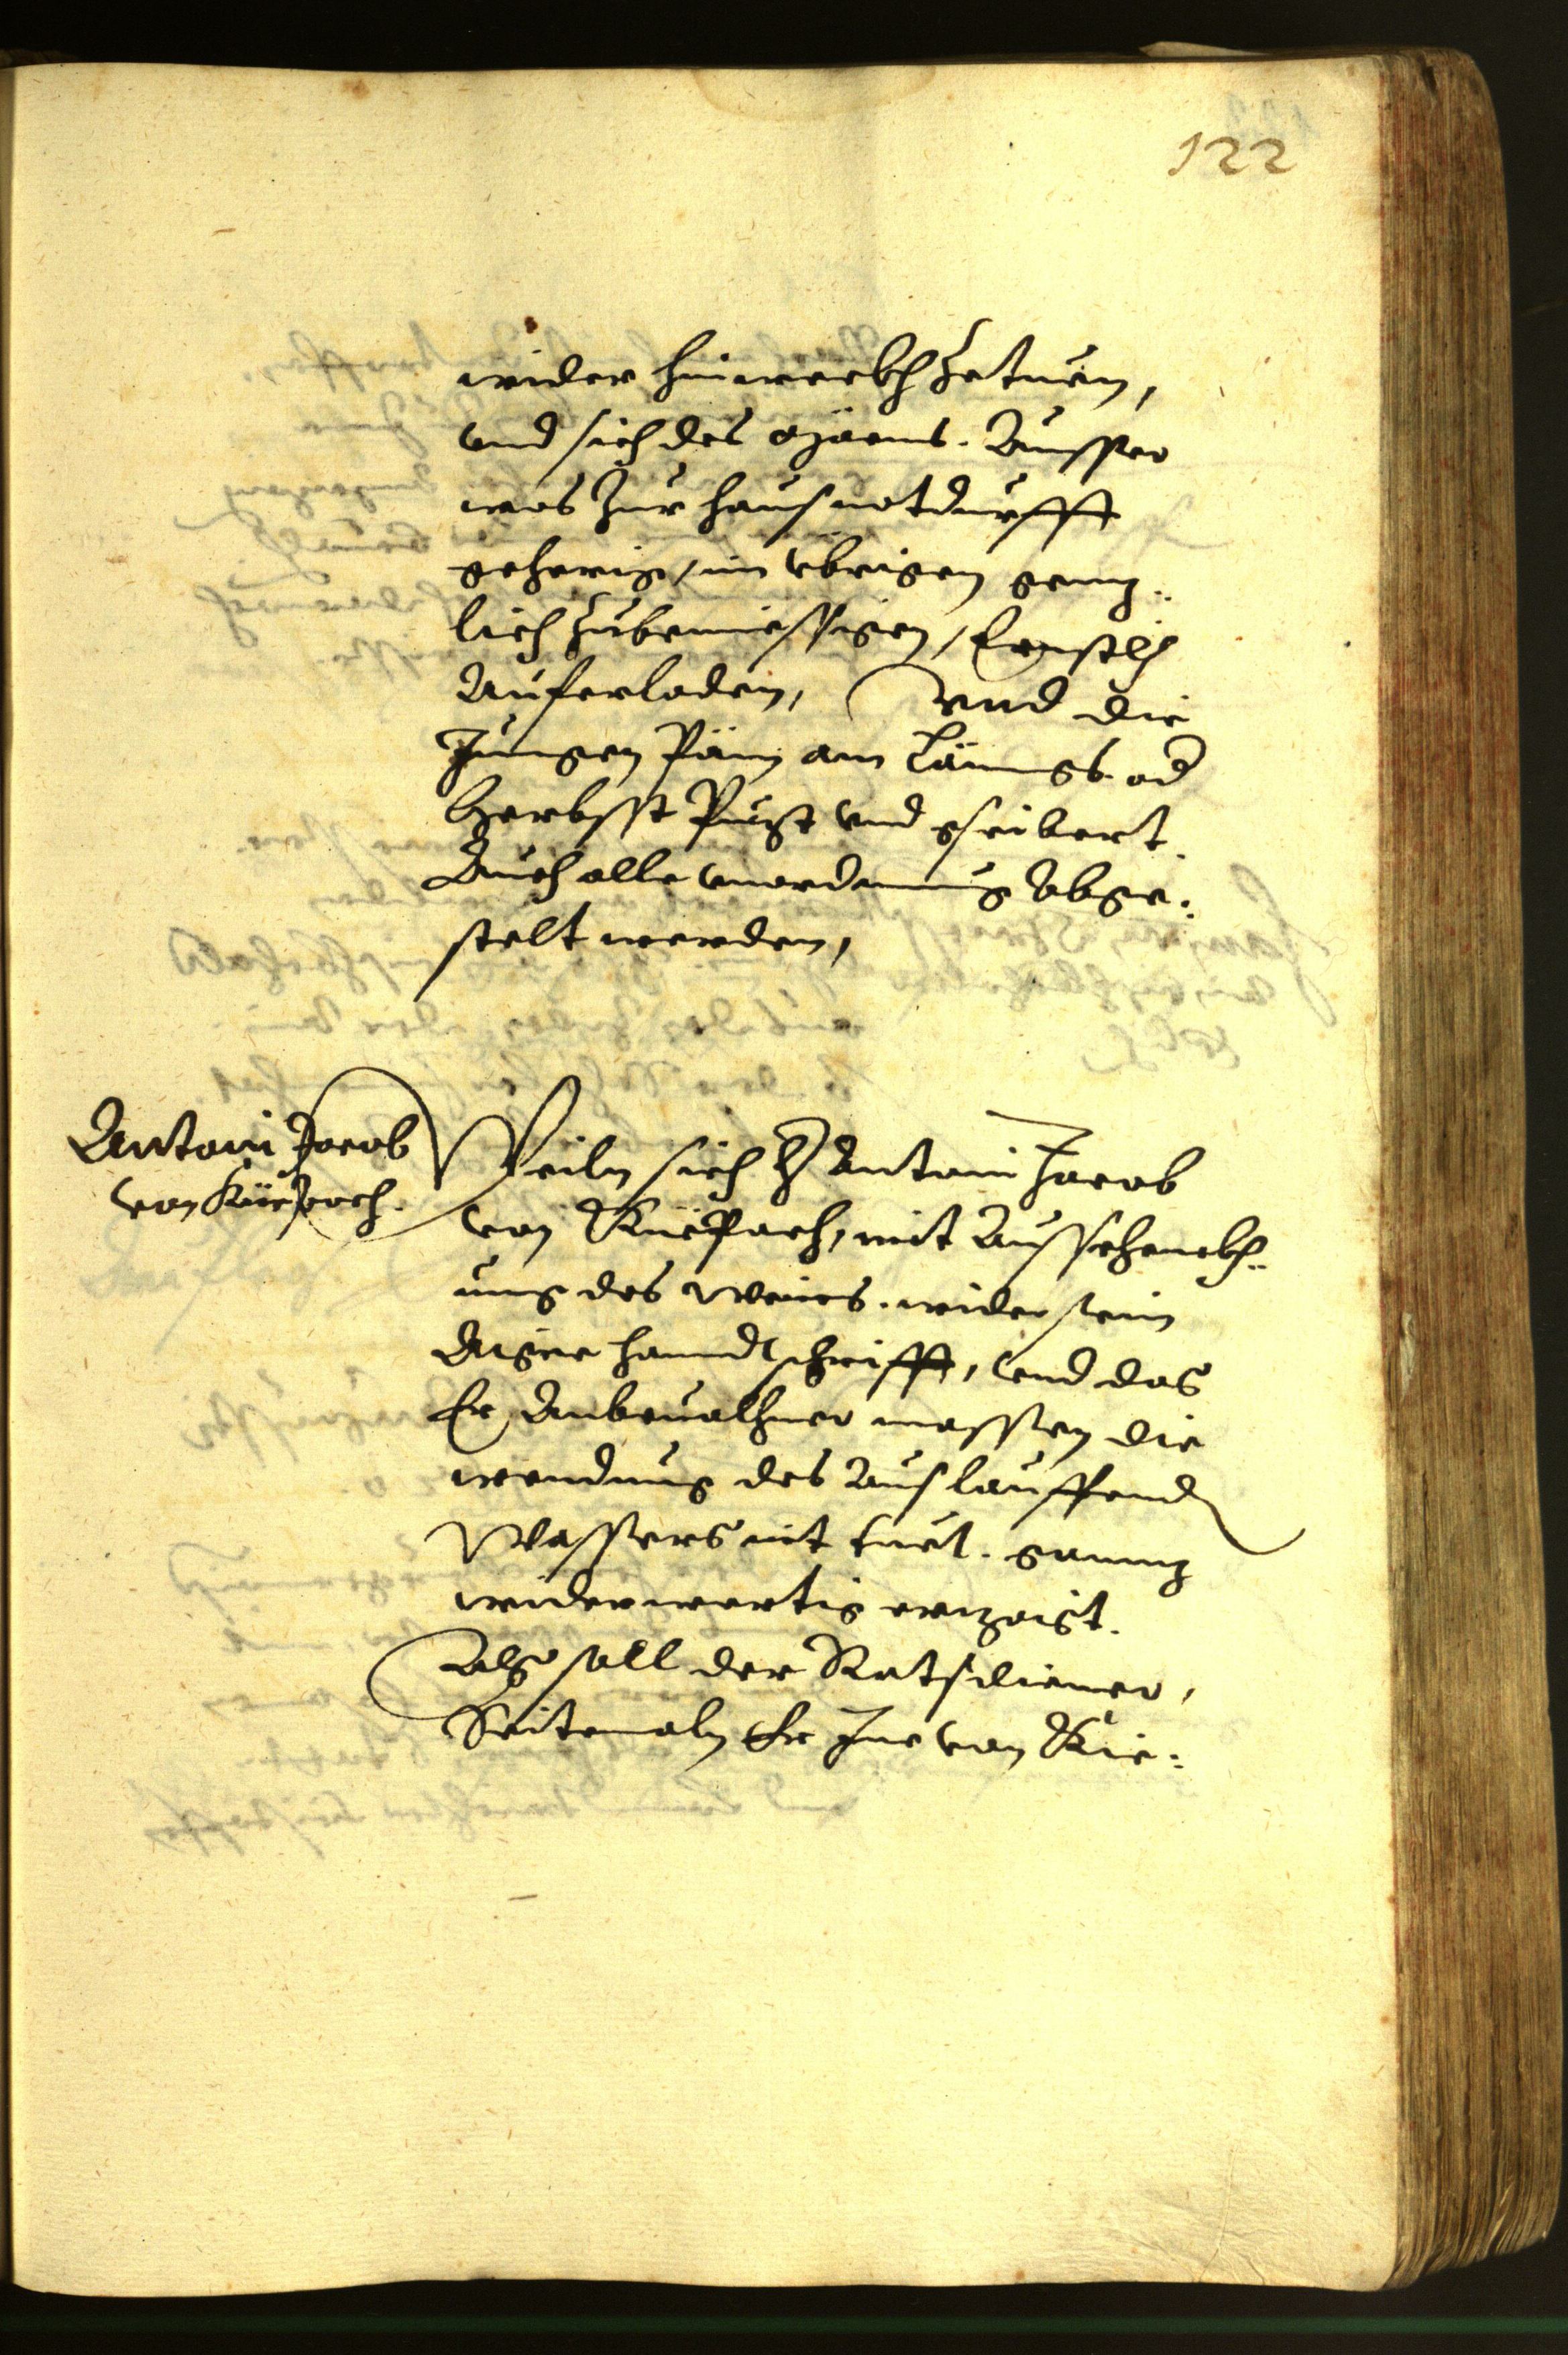122
wider hinweckh Zetūen,
vnd sich des Mäens. Aūsser
was Zūr haūsnotdūrfft
geherig, im v̈brigen genz¬
lich Zūbemiessigen, Ernstlich
Aūferladen, Vnd die
Jūngen Päm am Länngs. od
Herbsst Pūzt vnd gseibert.
Aūch alle vnordnūng Abge¬
stelt werden,
Weiln sich h Antoni Jacob
von Küepach, mit Aūsschenckh¬
ūng des Weins. wider sein
Aigne Hanndtschrifft, vnd das
Er Anbevolhner massen die
wendūng des Aūslaūffend
Wassers nit tūet. gannz
widerwertig erzaigt.
Als soll der Ratsdiener,
Seitemaln Er Ine von Kie¬
Antoni Jacob
von KüePach.